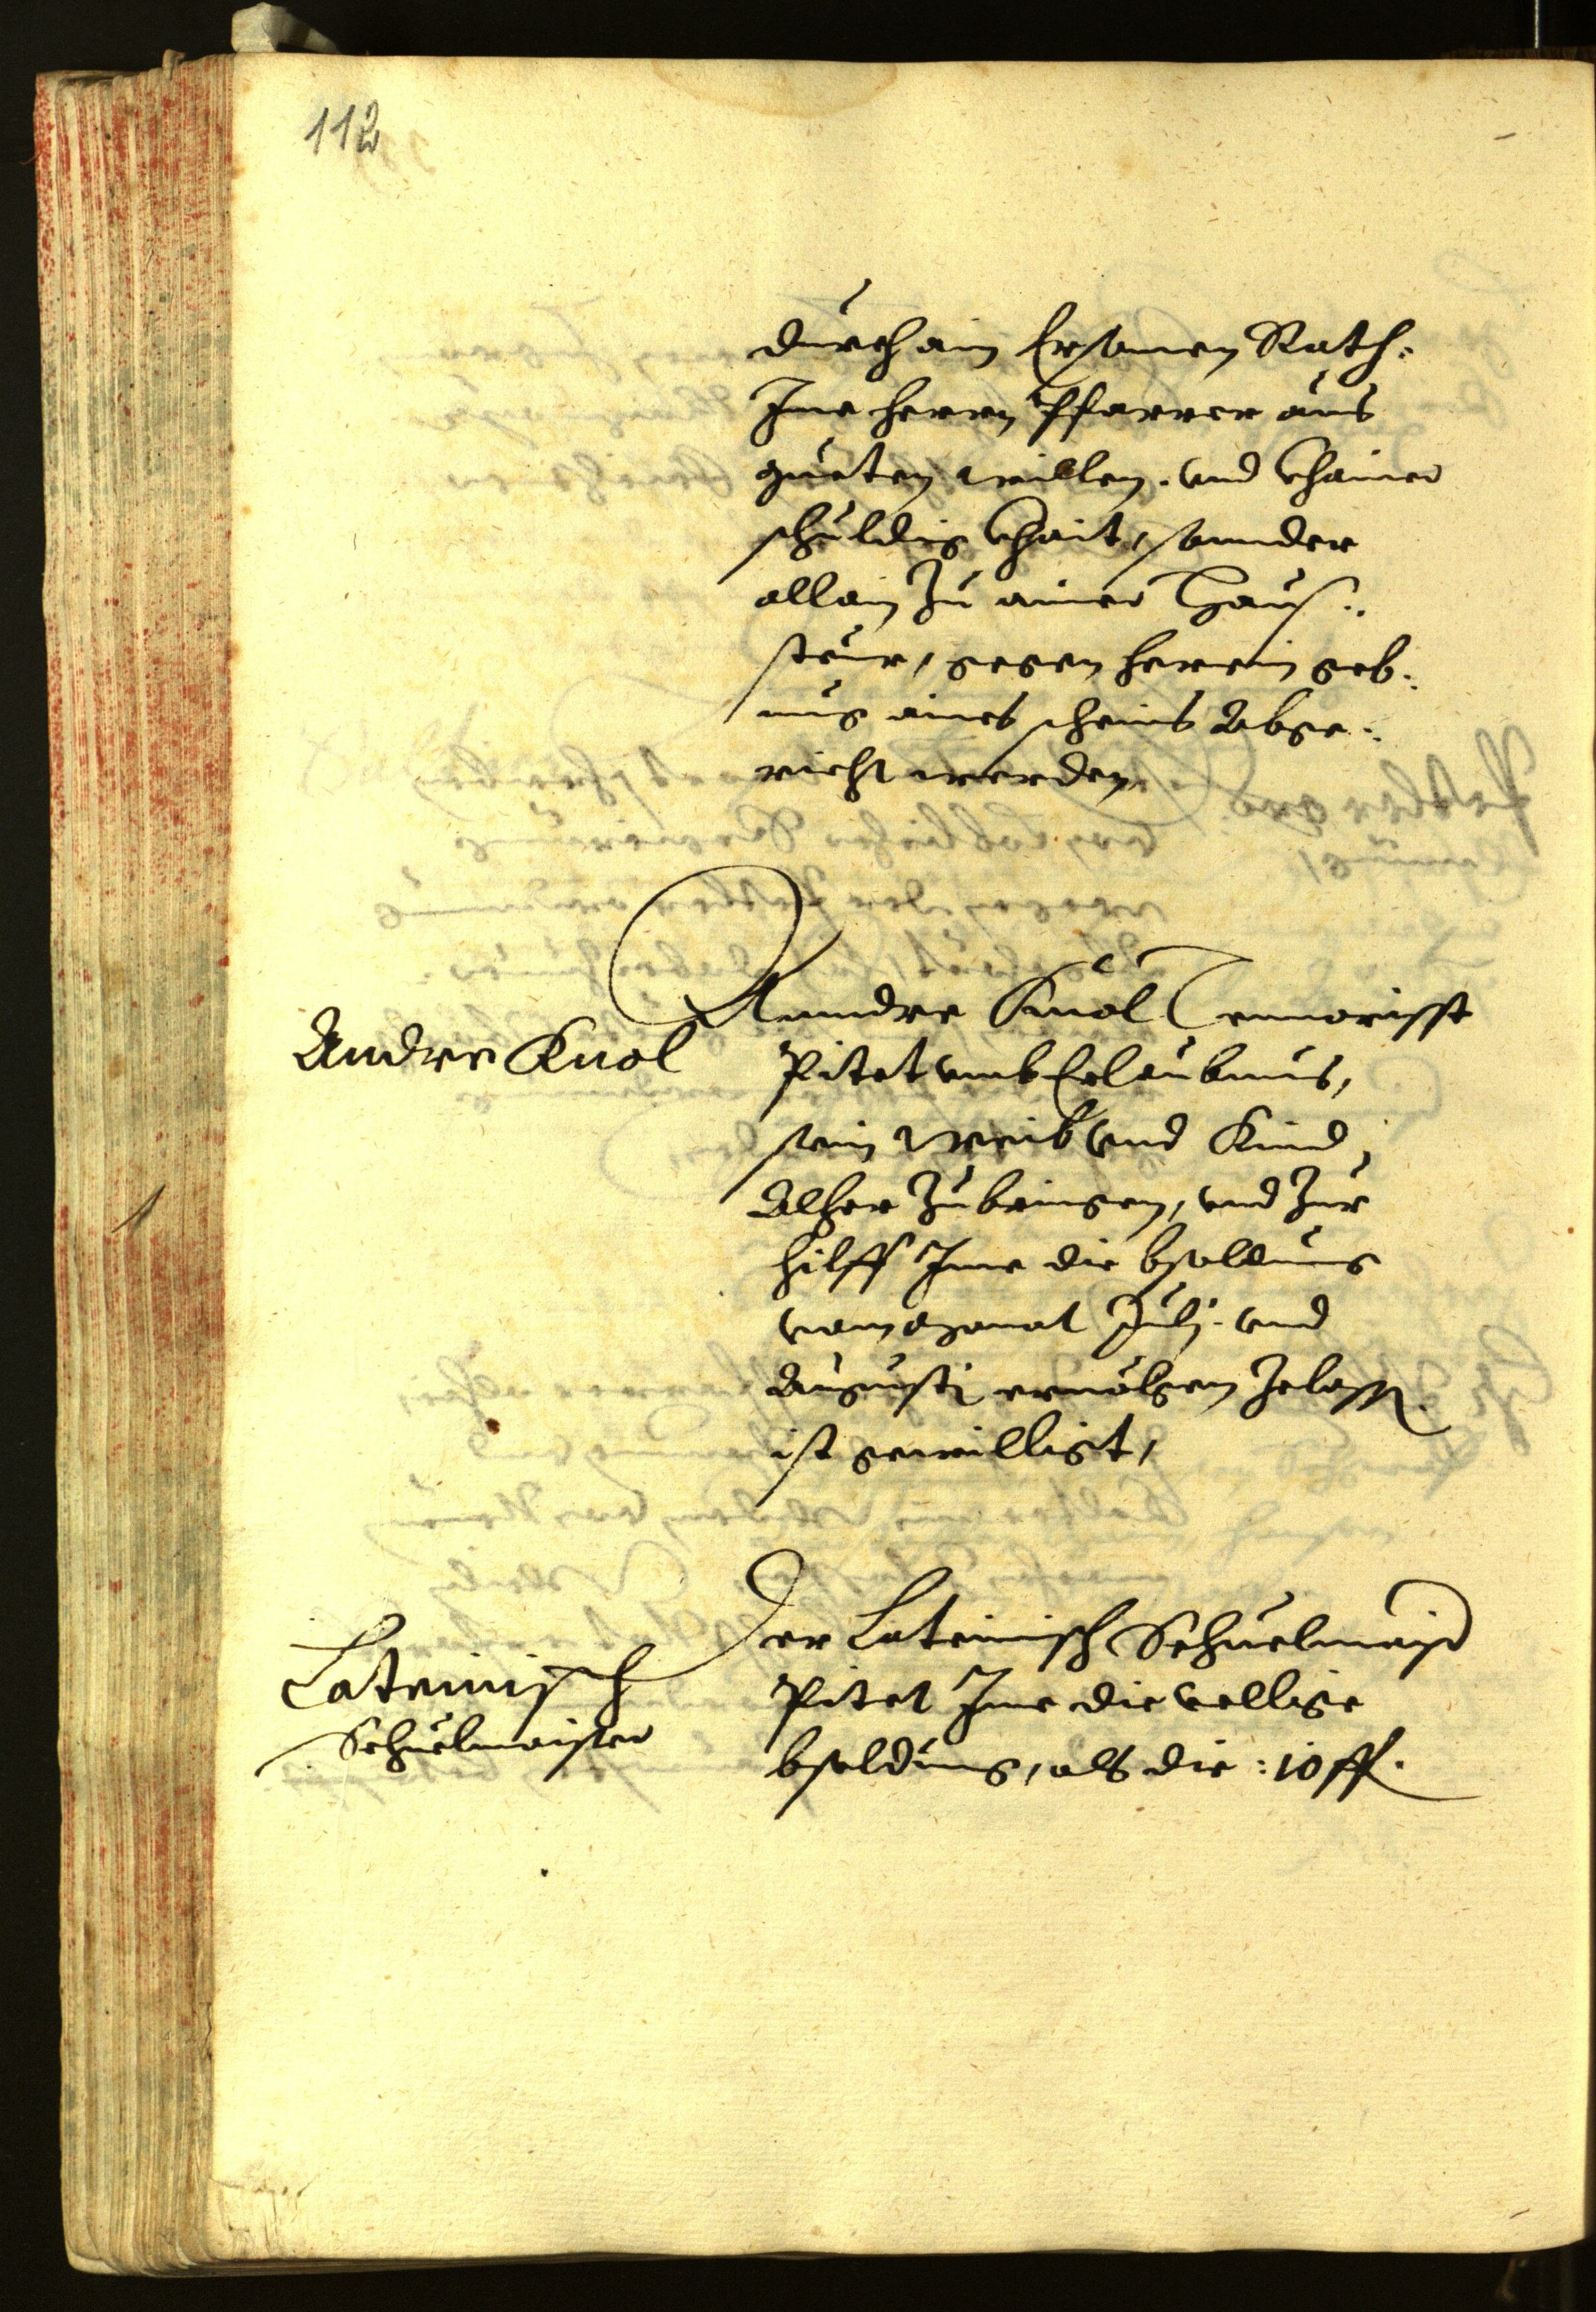112
dūrch ain Ersamen Rath
Ime herrn Pfarrer aūs
gūeten willen. vnd khainer
schūldigkhait, sonnder
allain Zū ainer Haūs¬
steūr, gegen herein geb¬
ūng aines scheins Abge¬
richt werden.
Anndre Knol Tennorisst
Pitet vmb Erlaūbūng,
sein Weib vnd Kind
Alher Zū bringen, vnd Zūr
hilff Ime die bsoldūng
vom Monat Jūlj. vnd
Aūgūstj erūolgen Zelass.
ist gewilligt,
Andre Knol
Der Lateinisch Schūelmaist
Pitet Ime die vellige
bsoldūng, als die: 10 fl.
Lateinisch
Schūelmaister